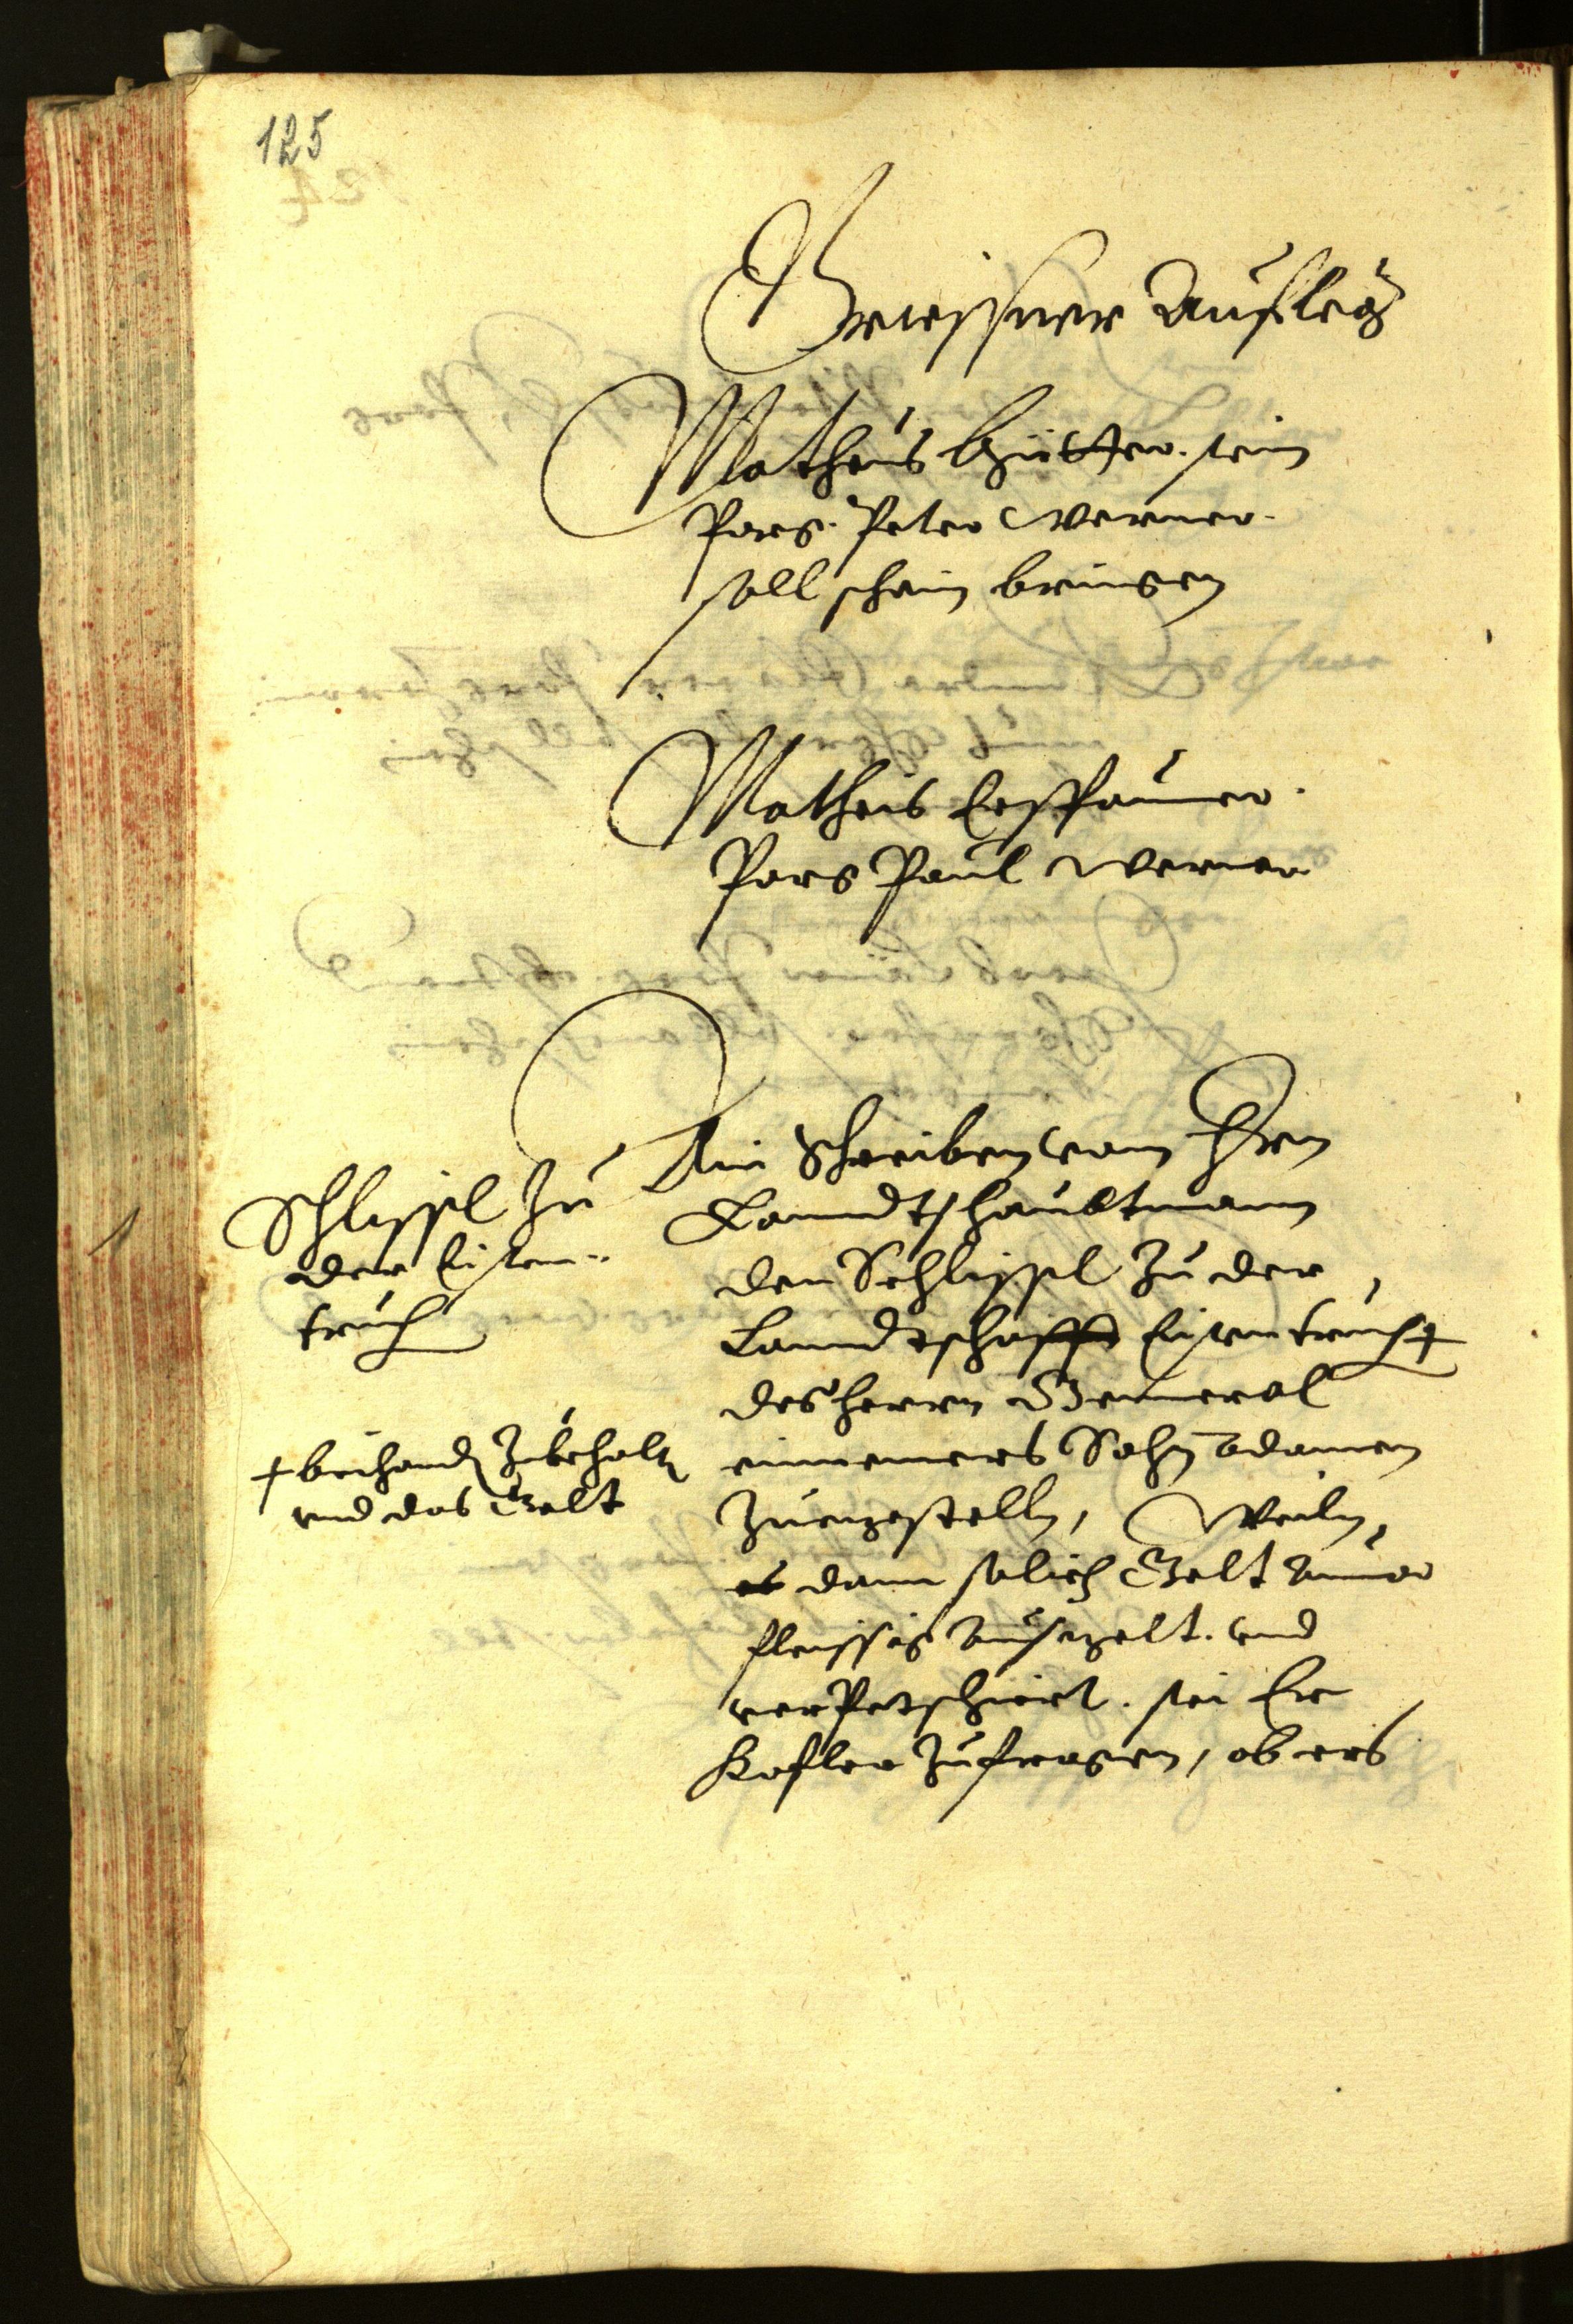125
Griessner Aūfleg
Matheūs Hütter. sein
Porg. Peter Werner.
soll schein bringen
Matheis ErsPaūmer.
Porg Paūl Werner.
Ain Schreiben vom hn
Lanndtshaūbtmann
den Schlissl Zū der
Lanndtschafft Eisen trūh
des herrn Genneral
einnemers Sohn Adamen
Zūezestelln, Weiln
es dann solich Gelt Anūor
fleissig Aūszelt. vnd
verPetschiert. sei Er
Kofler Zūfragen, ob ers
Schlissl Zū
der Eisen¬
trūh
beihand Zūbehalt
vnd das Gelt